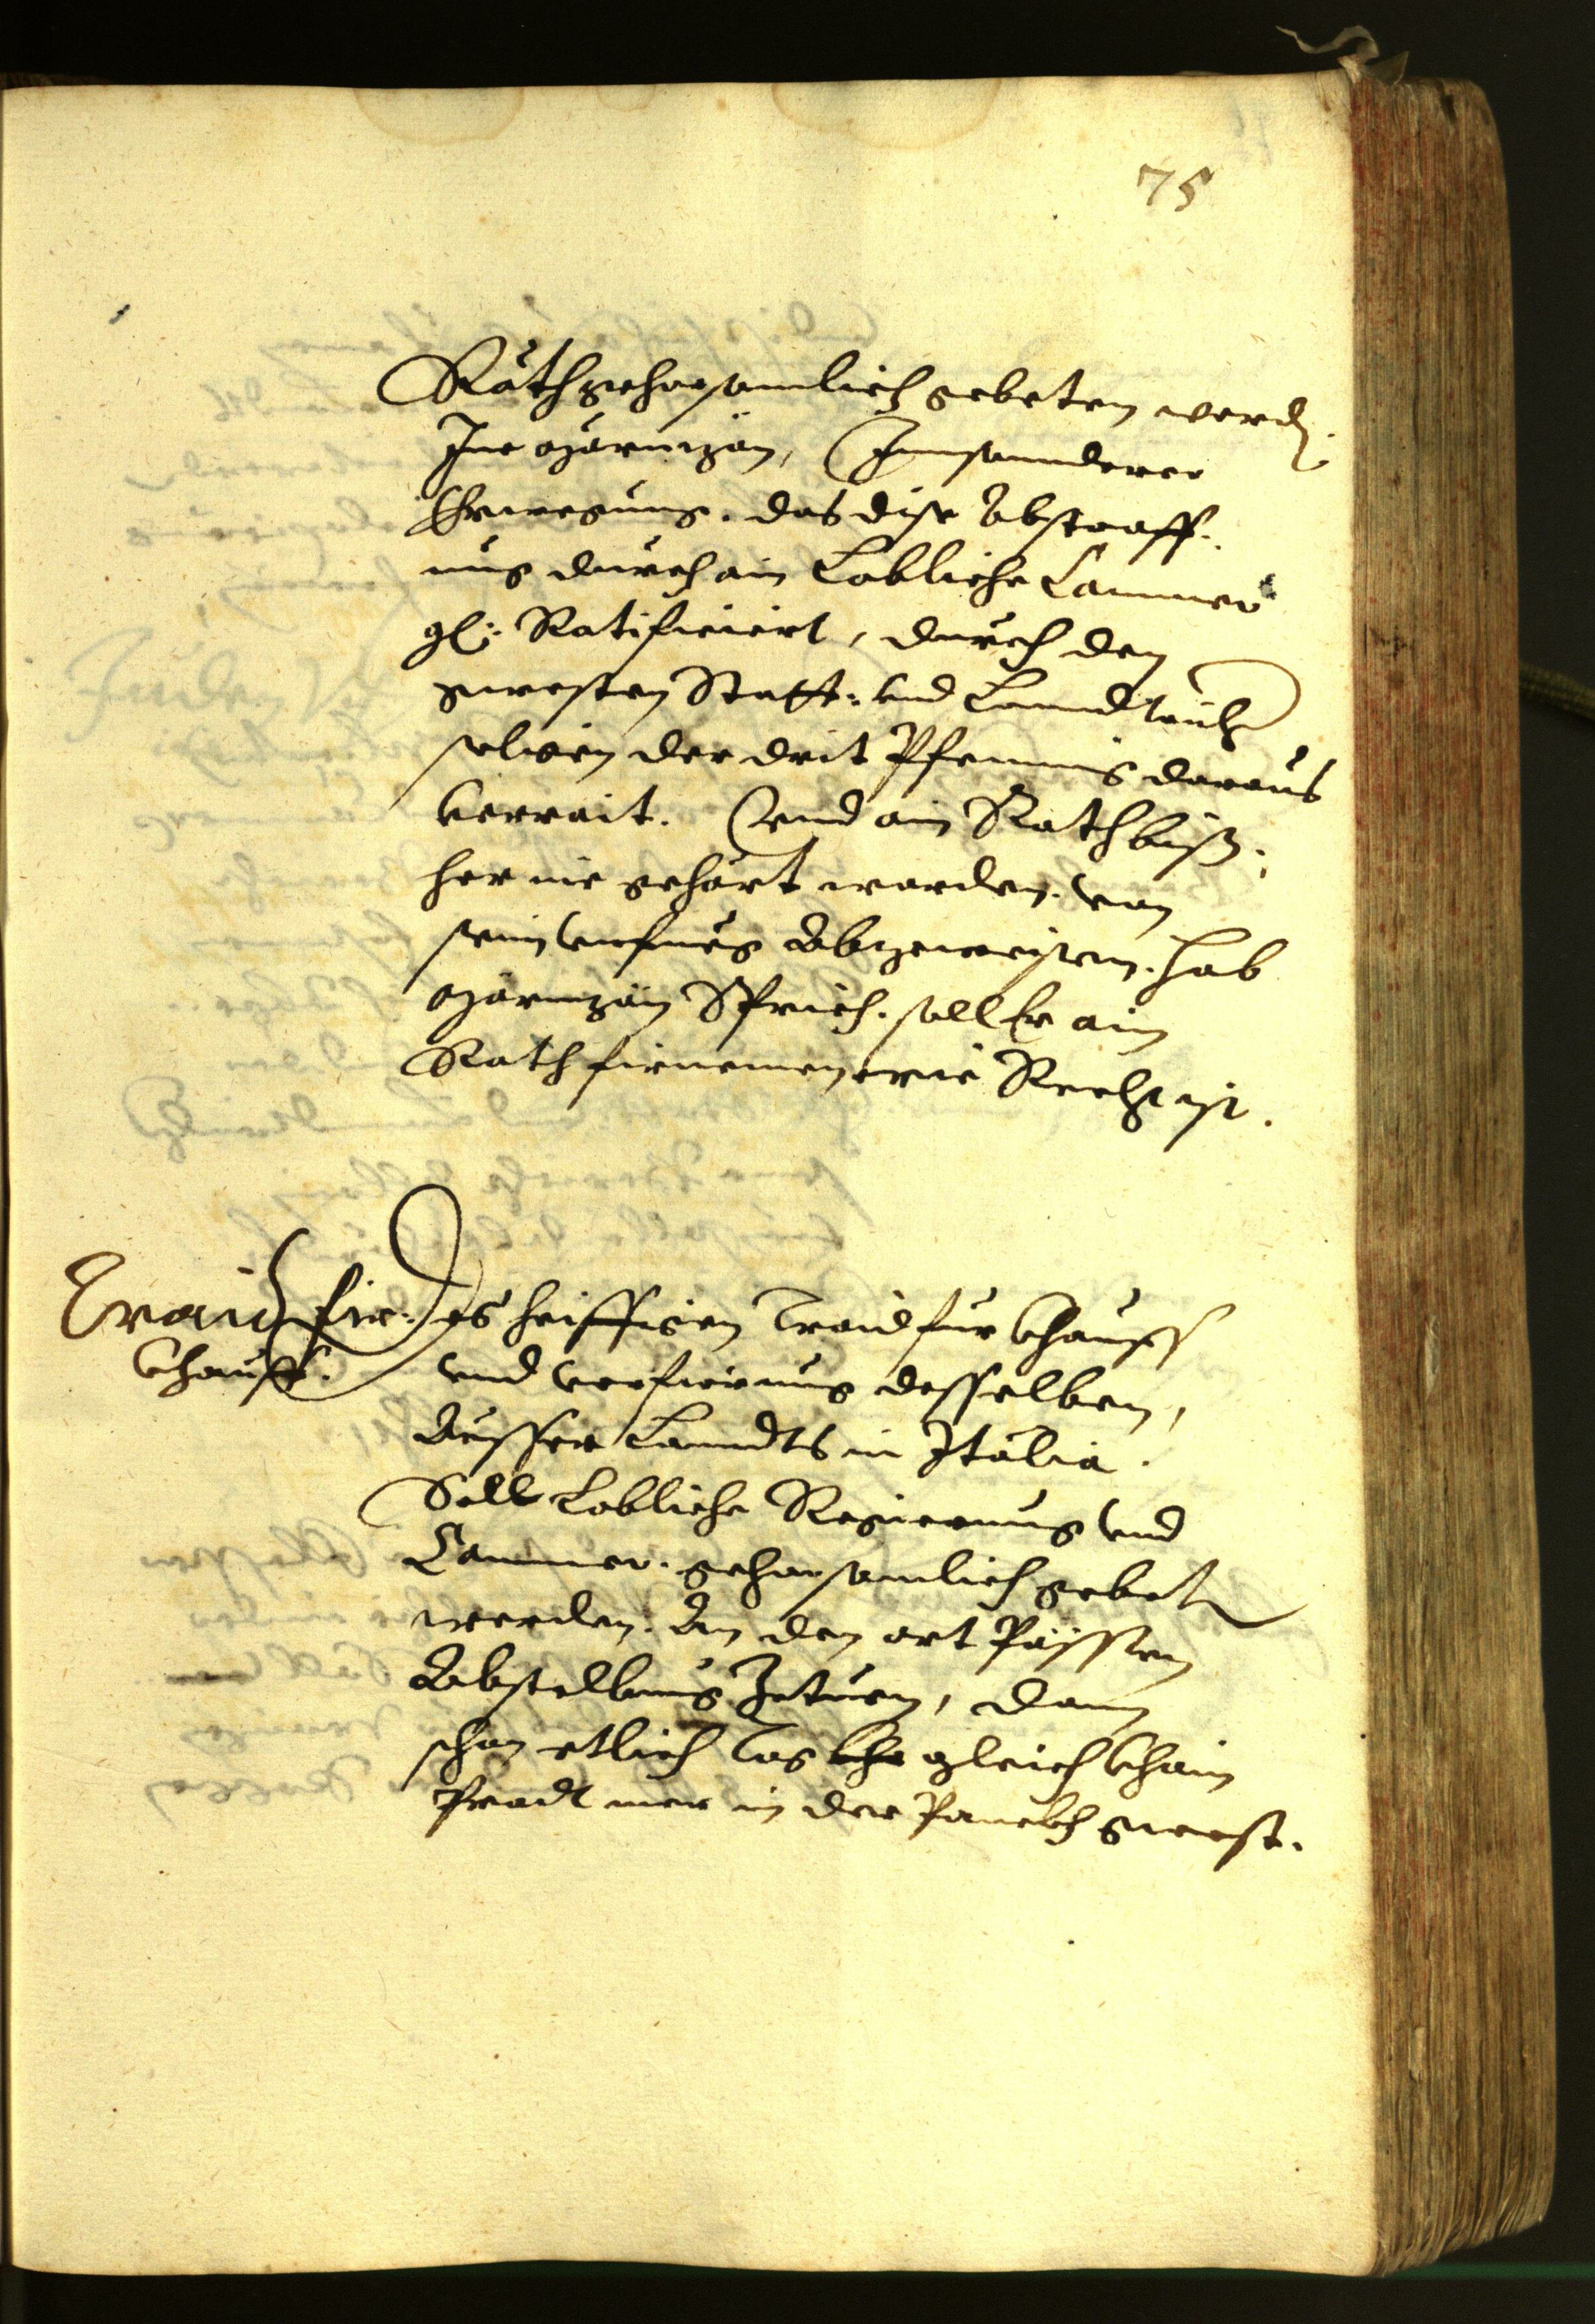75
Rāth gehorsamlich gebeten werd
Ine Mārnzän, Innsbesonnderer
Erwegūng. das dise Abstraff¬
ūng dūrch ain Lobliche Cammer
g: Ratificiert, dūrch den
gwesten Statt: vnd Lanndtrich
seligen der drit Pfennig daraūs
verrait. Vnd ain Rath biß¬
her nie gehōrt worden. von
sein vnfūeg Abzeweisen. Hab
Märnzän Sprich. soll Er ain
Rath firnemen wie Recht ist.
Des heiffigen Traid fūr khaūfs
vnd verfierūng desselben,
Aūsser Lanndts in Itālia.
Soll Lobliche Regierūng vnd
Cammer. gehorsamlich gebet
werden. An den ort Pässen
Abstellūng Zetūen, dann
schon etlich Tag kha gleich khain
Prodt mer in der Panckh gwest.
Traid fir¬
khaūff.